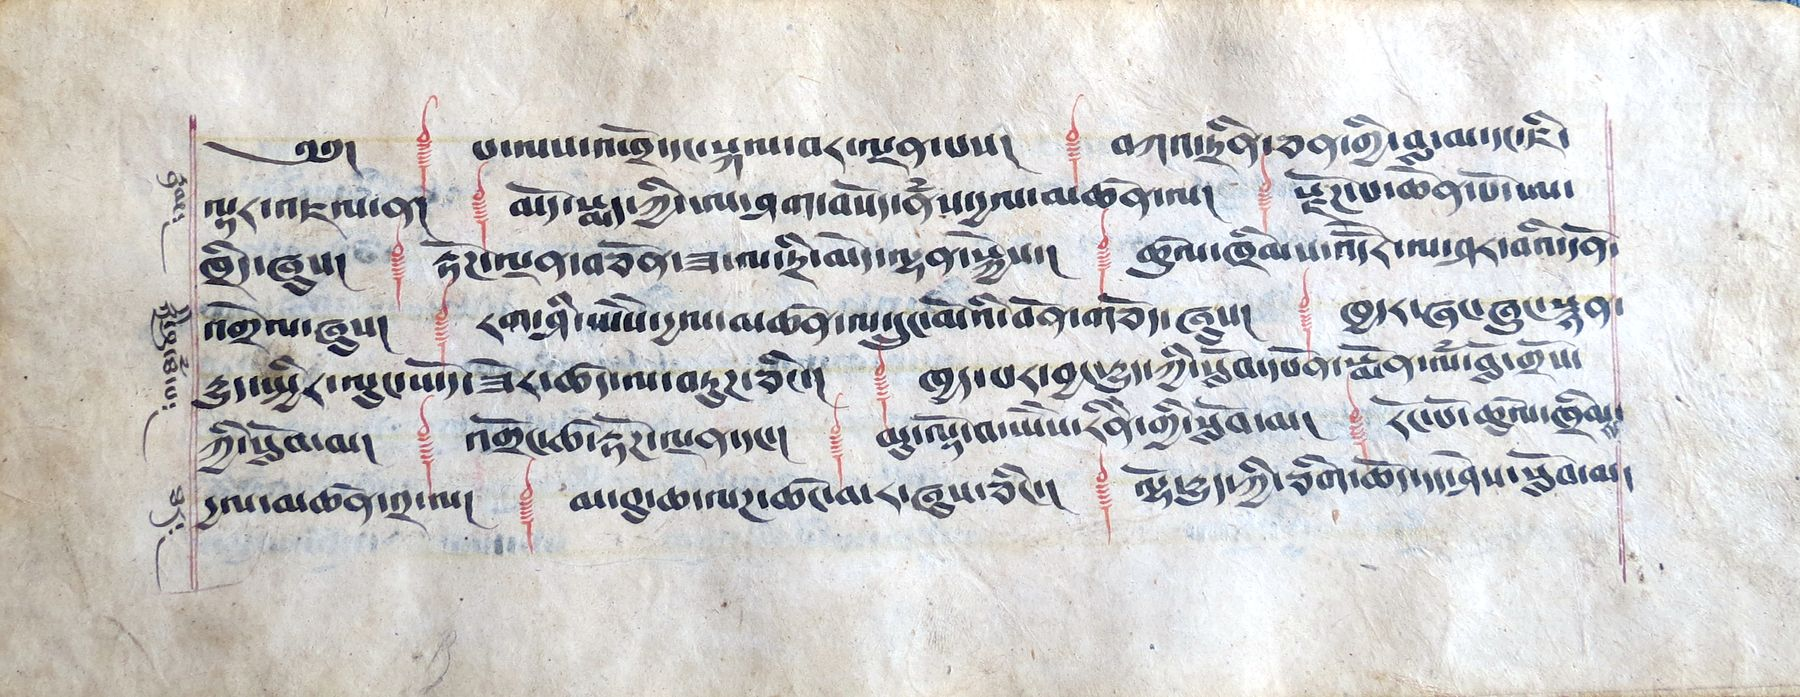པ་ལས་འཕྲོ་དང་སྐལ་པར་ལྡན་པས། བཀའ་དྲིན་ཅན་གྱི་བླ་མ་དང་ཇི་
ལྟར་མཇལ་ན། མདོ་སྨད་ཀྱི་ཨ་ཤག་བསོད་ནམས་རྒྱལ་མཚན་ལ། རྫོགས་པ་ཆེན་པོ་ཨ་
ཁྲིད་ཞུས། རྟོགས་ལྡན་སྐྱང་ཚེ་ལ་དྲི་མེད་ལྷན་སྐྱེས་ཞུས། ཚུལ་ཁྲིམས་འོད་ཟེར་ལ་ཤར་བའི་དོན་
འགྲེལ་ཞུས། རག་ཤི་ཡེ་ཤེས་རྒྱལ་མཚན་ལ་དྲུང་མུའི་བོན་གཅོད་ཞུས། ཁྱད་པར་ཞང་ཞུང་སྙན་
རྒྱུད་ཀྱི་ལུང་ཡོད་ཟེར་ཚད་ལ་གཏུགས་ཤིང་། ཁྱད་པར་བྱང་རྒྱུད་ཀྱི་སློབ་དཔོན་སྨོན་ལམ་བློ་གྲོས་
ཀྱི་སློབ་མ། འབྲོང་ཚ་རྟོགས་ལྡན་དང་། མུ་ལྟོ་བ་ཡེ་ཤེས་རིན་ཆེན་གྱི་སློབ་མ། རོང་པོ་ཚུལ་ཁྲིམས་
རྒྱལ་མཚན་གཉིས་ལ། མ་བུ་ཆ་ལག་ཚང་མར་ཞུས་ཤིང་། ལྷོ་རྒྱུད་གཅིག་ཆོད་དད་ཤེས་སློབ་མ།